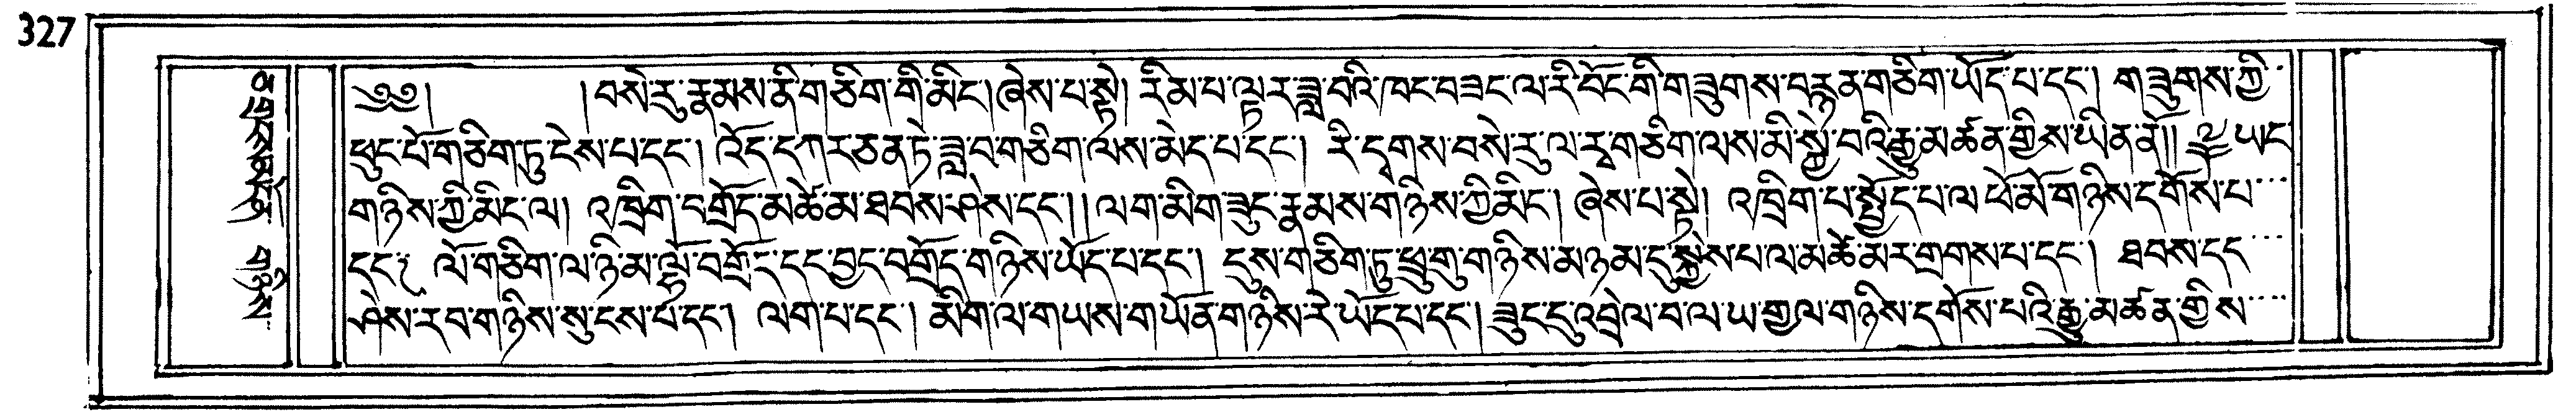༄༅། །བསེ་རུ་རྣམས་ནི་གཅིག་གི་མིང་། ཞེས་པ་སྟེ། རིམ་པ་ལྟར་ཟླ་བའི་ཁང་བཟང་ལ་རི་བོང་གི་གཟུགས་བརྙན་གཅིག་ཡོད་པ་དང་། གཟུགས་ཀྱི་
ཕུང་པོ་གཅིག་ཏུ་ངེས་པ་དང་། འོད་དཀར་ཅན་ཏེ་ཟླ་བ་གཅིག་ལས་མེད་པ་དང་། རི་དྭགས་བསེ་རུ་ལ་རྭ་གཅིག་ལས་མི་སྐྱེ་བའི་རྒྱུ་མཚན་གྱིས་ཡིན་ནོ།།
༈ ཡང་གཉིས་ཀྱི་མིང་ལ། འཁྲིག་བགྲོད་མཚེ་མ་ཐབས་ཤེས་དང་། །ལག་མིག་ཟུང་རྣམས་གཉིས་ཀྱི་མིང་། ཞེས་པ་སྟེ། འཁྲིག་པ་སྤྱོད་པ་ལ་ཕོ་མོ་གཉིས་དགོས་པ་
དང༑ ལོ་གཅིག་ལ་ཉི་མ་ལྷོ་བགྲོད་དང་བྱང་བགྲོད་གཉིས་ཡོད་པ་དང་། དུས་གཅིག་ཏུ་ཕྲུ་གུ་གཉིས་མཉམ་དུ་སྐྱེས་པ་ལ་མཚེ་མར་གྲགས་པ་དང་། ཐབས་དང་
ཤེས་རབ་གཉིས་སུ་ངས་པ་དང་།ལག་པ་དང་། མིག་ལ་གཡས་གཡོན་གཉིས་རེ་ཡོད་པ་དང་། ཟུང་དུ་འབྲེལ་བ་ལ་ཡ་གྱལ་གཉིས་དགོས་པའི་རྒྱུ་མཚན་གྱིས་